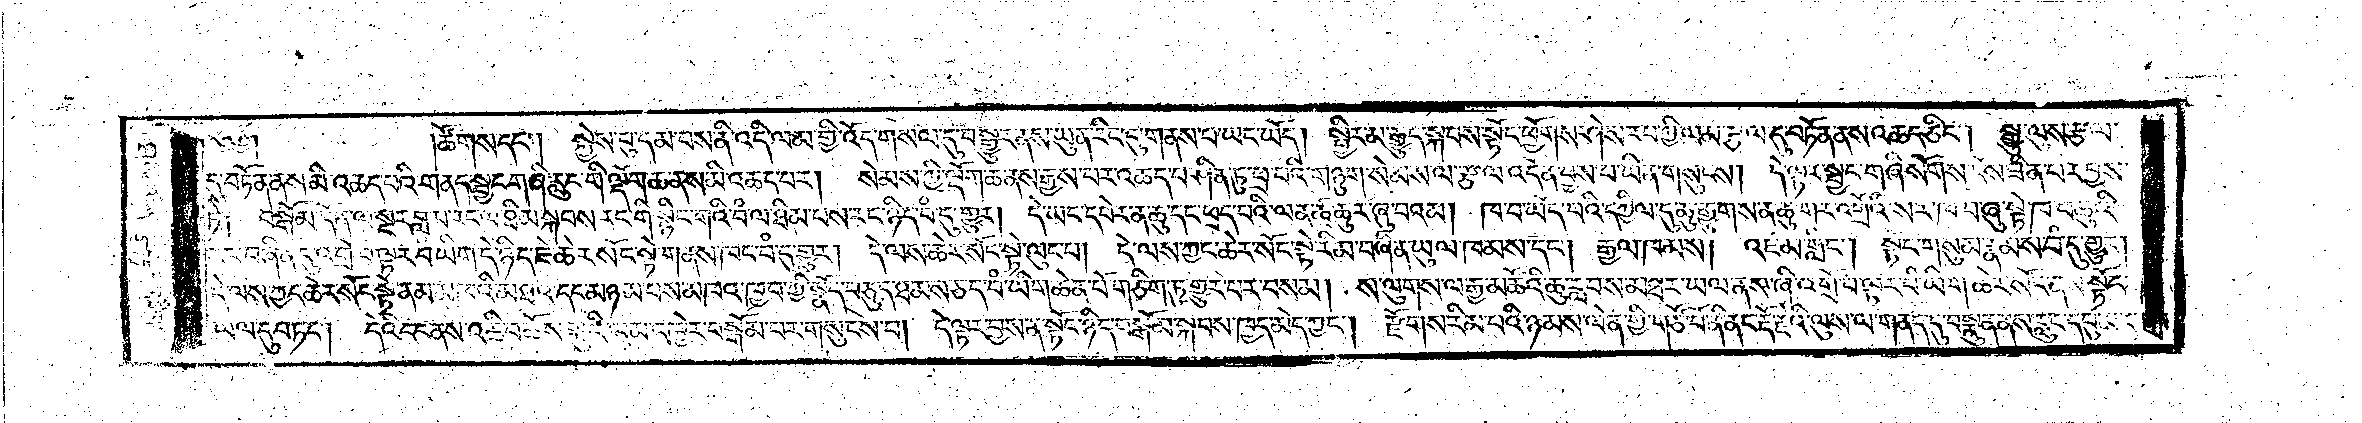༄༅། །ཚོགས་དང་། སྐྱེས་བུ་དམ་པས་ནི་འདི་ལམ་གྱི་འོད་གསལ་དུ་བསྒྱུར་ནས་ཡུན་རིང་དུ་གནས་པ་ཡང་ཡོད། སྤྱིར་མ་རྒྱུད་སྐབས་སྟོང་ཕྱོགས་ཤེས་རབ་ཀྱི་ལམ་རྩལ་དུ་བཏོན་ནས་འཆད་ཅིང་། སྒྱུ་ལུས་རྩལ་
དུ་བཏོན་ནས་མི་འཆད་པའི་གནད་སྦྱང་གཞི་རླུང་གི་ལྡོག་ཆ་ནས་མི་འཆད་པར། །སེམས་ཀྱི་ལྡོག་ཆ་ནས་རྒྱས་པར་འཆད་པ་ཤིན་ཏུ་ཕྲ་བའི་གཉུག་སེམས་ལ་རྩལ་འདོན་བྱས་པ་ཡིན་གསུངས། དེ་ལྟར་སྦྱང་གཞི་སོགས་ངོས་ཟིན་པར་བྱས་
ཏེ༑ བསྒོམ་དོན་ལ་སྔར་བླ་མ་རང་ལ་ཐིམ་སྐབས་རང་གི་སྙིང་གའི་བཾ་ལ་ཐིམ་པས་རང་ཉིད་བཾ་དུ་གྱུར། དེ་ཡང་དཔེར་ན་ཆུ་དང་ཕྲད་པའི་ལན་ཚྭ་ཆུར་ཞུ་བའམ། ཁ་བ་ཡོད་པའི་དཀྱིལ་དུ་ཆུ་རྒྱུགས་ན་ཆུ་གར་འགྲོའི་སར་ཁ་བ་ཞུ་སྟེ་ཁ་བ་ཆུའི་
རང་བཞིན་དུ་འགྲོ་བ་ལྟར་བཾ་ཡིག་དེ་ཉིད་ཇེ་ཆེར་སོང་སྟེ་གནས་ཁང་བཾ་དུ་གྱུར། དེ་ལས་ཆེར་སོང་སྟེ་ལུང་པ། དེ་ལས་ཀྱང་ཆེར་སོང་སྟེ་རིམ་བཞིན་ཡུལ་ཁམས་དང་། རྒྱལ་ཁམས། འཛམ་གླིང་། སྟོང་གསུམ་རྣམས་བཾ་དུ་གྱུར།
དེ་ལས་ཀྱང་ཆེར་སོང་སྟེ་ནམ་མཁའི་མཐའ་དང་མཉམ་པས་མཁའ་ཁྱབ་ཀྱི་སྣོད་བཅུད་ཐམས་ཅད་བཾ་ཡིག་ཆེན་པོ་གཅིག་ཏུ་གྱུར་པར་བསམ། ས་ལུགས་ལ་རྒྱ་མཚོའི་ཆུ་རླབས་མཐར་ཡལ་ནས་ཞི་འགྲོ་བ་ལྟར་བཾ་ཡིག་ཆེར་སོང་ནས་སྟོང་
ཡལ་དུ་བཏང་། དེའི་དང་ནས་འཆི་བ་ཆོས་སྐུའི་ལམ་འཁྱེར་བསྒོམ་པར་གསུངས་པ། དེ་ལྟར་བྱས་ན་སྟོང་ཉིད་བསྒོམ་སྐབས་ཁྱད་མེད་ཀྱང་། རྫོགས་རིམ་པའི་ཉམས་ལེན་གྱི་གཙོ་བོ་ནི་ནང་རྡོ་རྗེའི་ལུས་ལ་གནད་དུ་བསྣུན་ནས་རླུང་དབུ་མར་